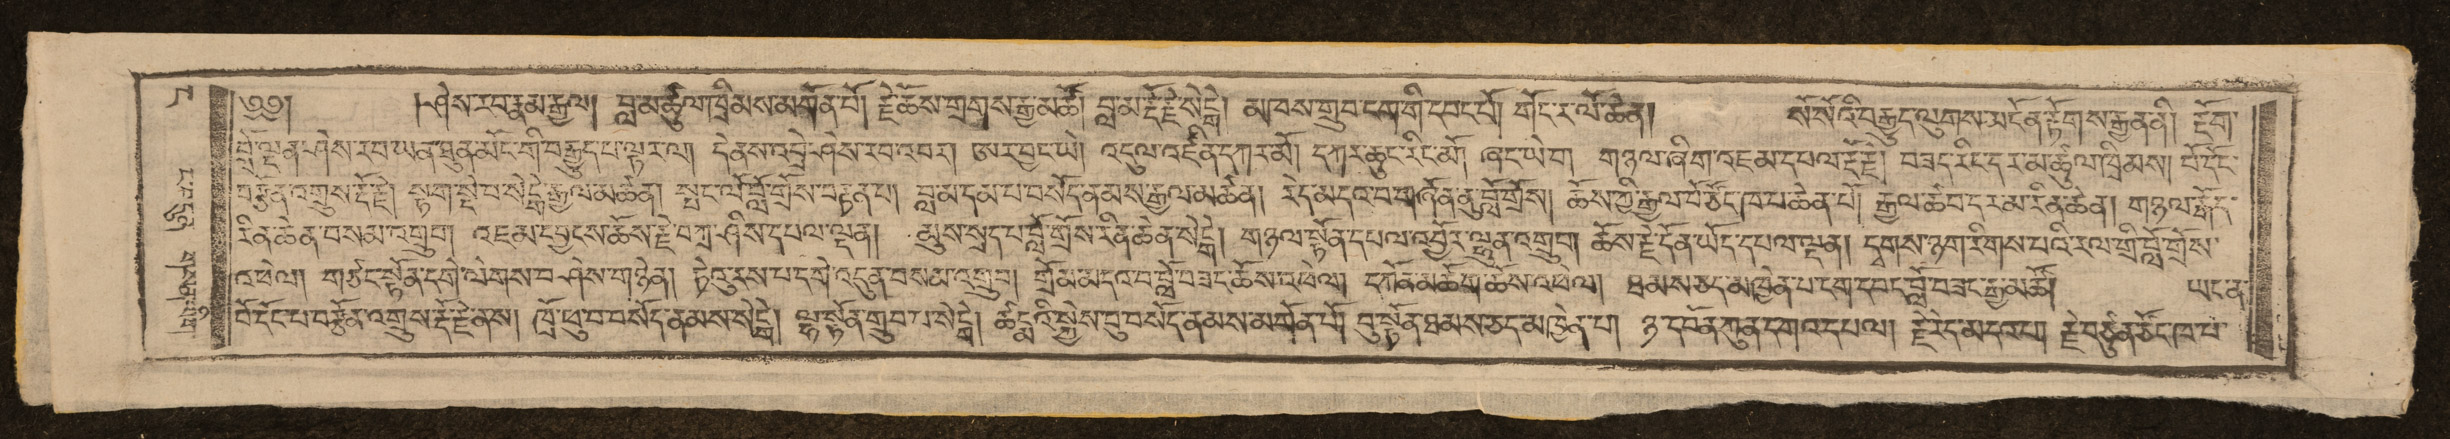༄༅། །ཤེས་རབ་རྣམ་རྒྱལ། བླ་མ་ཚུལ་ཁྲིམས་མགོན་པོ། རྗེ་ཆོས་གྲགས་རྒྱ་མཚོ། བླ་མ་རྡོ་རྗེ་སེངྒེ། མཁས་གྲུབ་ངག་གི་དབང་པོ། གོང་ར་ལོ་ཆེན། སོ་སོའི་བརྒྱུད་ལུགས་མངོན་རྟོགས་རྒྱན་ནི། རྔོག་
བློ་ལྡན་ཤེས་རབ་ཡན་ཐུན་མོང་གི་བརྒྱུད་པ་ལྟར་ལ། དེ་ནས་འབྲེ་ཤེས་རབ་འབར། ཨར་བྱང་ཡེ། འདུལ་འཛིན་དཀར་མོ། དཀར་ཆུང་རིང་མོ། ཞང་ཡེ་པ། གཉལ་ཞིག་འཇམ་དཔལ་རྡོ་རྗེ། བཟང་རིང་དར་མཚུལ་ཁྲིམས། བོ་དོང་
བརྩོན་འགྲུས་རྡོ་རྗེ། སྟག་སྡེ་བ་སེངྒེ་རྒྱལ་མཚན། སྤང་ལོ་བློ་གྲོས་བརྟན་པ། བླ་མ་དམ་པ་བསོད་ནམས་རྒྱལ་མཚན། རེད་མདའ་བ་གཞོན་ནུ་བློ་གྲོས། ཆོས་ཀྱི་རྒྱལ་པོ་ཙོང་ཁ་པ་ཆེན་པོ། རྒྱལ་ཚབ་དར་མ་རིན་ཆེན། གཉལ་རྒོད་
རིན་ཆེན་བསམ་འགྲུབ། འཇམ་དབྱངས་ཆོས་རྗེ་བཀྲ་ཤིས་དཔལ་ལྡན། མུས་སྲད་པ་བློ་གྲོས་རིན་ཆེན་སེངྒེ། གཉལ་སྟོན་དཔལ་འབྱོར་ལྷུན་འགྲུབ། ཆོས་རྗེ་དོན་ཡོད་དཔལ་ལྡན། དྭགས་ཉག་རིགས་པའི་རལ་གྲི་བློ་གྲོས་
འཕེལ། གཙང་སྟོན་དགེ་ལེགས་བཤེས་གཉེན། ཏེའུ་རས་པ་དགེ་འདུན་བསམ་འགྲུབ། གྲོམ་མདའང་བློ་བཟང་ཆོས་འཕེལ། དཀོན་མཆོག་ཆོས་འཕེལ། ཐམས་ཅད་མཁྱེན་པ་ངག་དབང་བློ་བཟང་རྒྱ་མཚོ། ཡང་ན་
པོ་དོང་བ་བརྩོན་འགྲུས་རྡོ་རྗེ་ནས། ཁྲོ་ཕུབ་བསོད་ནམས་སེངྒེ། ལྷ་སྟོན་གྲུབ་པ་སེངྒེ། ཚད་མའི་སྐྱེས་བུ་བསོད་ནམས་མགོན་པོ། བུ་སྟོན་ཐམས་ཅད་མཁྱེན་པ། ཉ་དཔོན་ཀུན་དགའ་དཔལ། རྗེ་རེད་མདའ་པ། རྗེ་བཙུན་ཙོང་ཁ་པ་